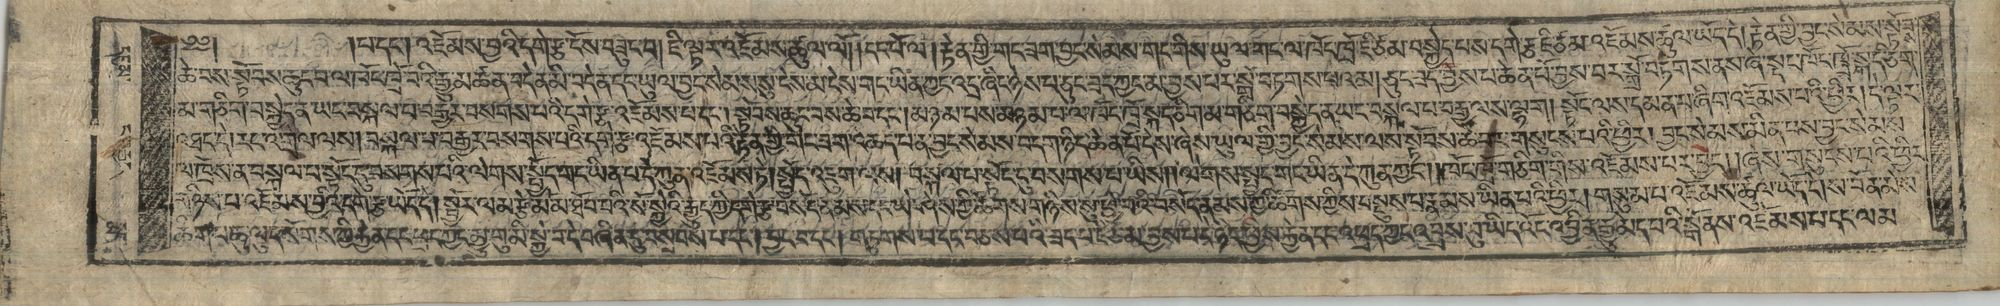༄༅། །པ་དང་། འཇོམས་བྱའི་དགེ་རྩ་ངོས་བཟུང་བ། ཇི་ལྟར་འཇོམས་ཚུལ་ལོ། །དང་པོ་ལ། རྟེན་གྱི་གང་ཟག་བྱང་སེམས་གང་གིས་ཡུལ་གང་ལ་ཁོང་ཁྲོ་ཇི་ཙམ་བསྐྱེད་པས་དགེ་རྩ་ཇི་ཙམ་འཇོམས་ཚུལ་ཡོད་དེ། རྟེན་གྱི་བྱང་སེམས་སྟོབས་
ཆེ་བས་སྟོབས་ཆུང་བ་ལ་ཁོང་ཁྲོ་བའི་རྒྱུ་མཚན་བདེན་མི་བདེན་དང་ཡུལ་བྱང་སེམས་སུ་ངེས་མ་ངེས་གང་ཡིན་ཀྱང་འདྲ་ཞིང་ཉེས་པ་ཅུང་ཟད་ཀྱང་མ་བྱས་པར་སྒྲོ་བཏགས་པའམ། ཅུང་ཟད་བྱས་པ་ཆེན་པོ་བྱས་པར་སྒྲོ་བཏགས་ནས་ཞེ་སྡང་ཁོང་ཁྲོ་སྐད་ཅིག་
མ་གཅིག་བསྐྱེད་ན་ཡང་བསྐལ་པ་བརྒྱར་བསགས་པའི་དགེ་རྩ་འཇོམས་པ་དང་། སྟོབས་ཆུང་བས་ཆེ་བ་དང་། མཉམ་པས་མཉམ་པ་ལ་ཁོང་ཁྲོ་སྐད་ཅིག་མ་གཅིག་བསྐྱེད་ན་ཡང་བསྒལྤ་བརྒྱ་ལས་ལྷག །སྟོང་ལས་དམན་པ་ཞིག་འཇོམས་པའི་ཕྱིར། དེ་ལྟར་
འཐངྡེ། རང་འགྲེལ་ལས། བསྐལ་པ་བརྒྱར་བསགས་པའི་དགེ་རྩ་འཇོམས་པའི་རྟེན་གྱི་གང་ཟག་འཆད་པ་ན་བྱང་སེམས་བདག་ཉིད་ཆེན་པོ་དེས་ཞེས་ཡུལ་གྱི་བྱང་སེམས་ལས་སྟོབས་ཆེ་བར་གསུངས་པའི་ཕྱིར། བྱང་སེམས་མིན་པས་བྱང་སེམས་
ལ་ཁྲོས་ན་བསྐལ་པ་སོང་དུ་བསགས་པའི་ལེགས་སྤྱོད་གང་ཡིན་པ་དེ་ཀུན་འཇོམས་ཏེ། སྤྱོད་འཇུག་ལས། བསྐལ་པ་སྟོང་དུ་བསགས་པ་ཡིས། །ལགས་སྤྱད་གང་ཡིན་དེ་ཀུན་ཀྱང་། །ཁོང་ཁྲོ་གཅིག་གིས་འཇོམས་པར་བྱེད། །ཞེས་གསུངས་པའི་ཕྱིར་
གཉིས་པ་འཇོམས་བྱའི་དགེ་རྩ་ཡོད་དེ། སྦྱོར་ལམ་རྩེ་མོ་བ་ཐོབ་པའི་སོ་སྐྱེའི་རྒྱུད་ཀྱི་དགེ་རྩ་བསོད་ནམས་དང་ཡེ་ཤེས་ཀྱི་ཚོགས་གཉིས་སུ་ཕྱེ་བའི་བསོད་ནམས་ཀྱི་ཚོགས་ཀྱིས་བསྡུས་པ་རྣམས་ཡིན་པའི་ཕྱིར། གསུམ་པ་འཇོམས་ཚུལ་ཡོད་པ་?་ས་བོན་མེས་
ཚིག་པ་ཆུ་ལུད་སོགས་ཀྱི་རྐྱེན་དང་ཕྲད་ཀྱང་མྱུ་གུ་མི་སྐྱེ་བ་དེ་བཞིན་དུ་བསྲབས་པ་དང་། བྱང་བ་དང་། གཏུགས་པ་དང་བཅས་པའི་ཟད་པ་ཇི་ཙམ་བྱས་པ་དེ་ཉིད་ཕྱིས་རྐྱེན་དང་འཕྲད་ཀྱང་འབྲས་བུ་ཡིད་འོང་འབྱིན་རྒྱུ་མེད་པའི་སྒོ་ནས་འཇོམས་པ་དང་ལམ་